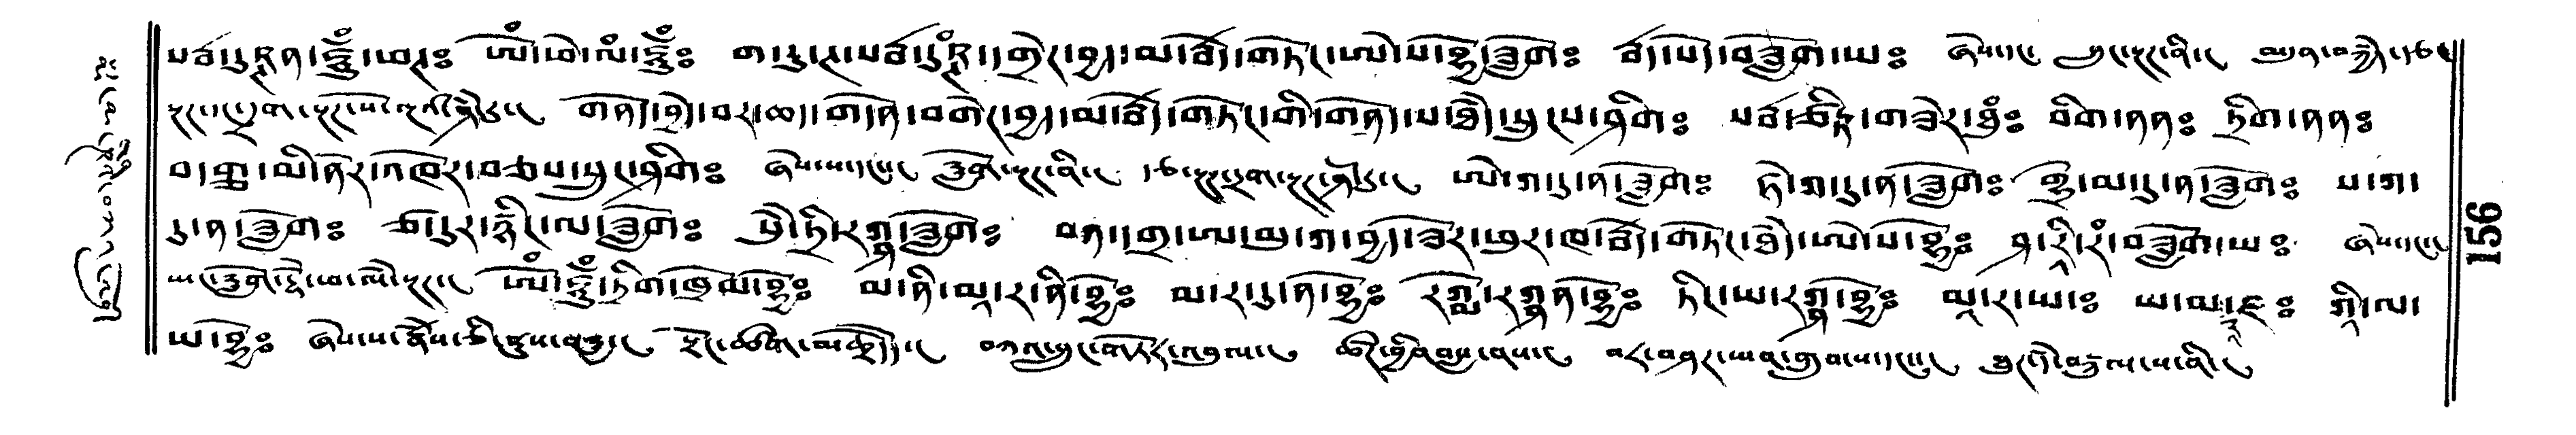སརྦ་དུཥྚན་ཧཱུྃ་ཕཊ༔ ཨོཾ་ཕེ་ལཾ་ཧཱུྃ༔ག་རུ་ཊ་སརྦ་དུཥྚན་དགྲ་བགེགས་བྱད་མ་རྦོད་གཏོང་ཨེ་ས་བྷྱོ་ཟློག༔ རྦད་སོད་བཟློག་ཡ༔ ཞེས་དང་། སྲུང་སྔགས་ནི། མདུན་བསྐྱེད་རྩ་
སྔགས་དང་དྲག་སྔགས་སོ་ལྔའི་གཤམ་དུ། གནོད་བྱེད་བར་ཆད་གདོན་བགེགས་བྱས་མ་རྦོད་གཏོང་གི་གནོད་པ་ཐམས་ཅད་སྲུངས་ཤིག༔ སརྦ་ཙིཏྟ་གཟེར་ཐུཾ༔ བིག་ནན༔ ཏྲིག་ནན༔ 
བདག་ཅག་མི་ནོར་འཁོར་བཅས་སྲུང་ཤིག༔ ཅེས་པ་དང་། ཟློག་སྔགས་ནི། རྩ་སྔགས་དྲག་སྔགས་གཤམ་དུ། ཨེ་ཀ་དུ་ན་ཟློག༔ ཧེ་ཀ་དུ་ན་ཟློག༔ གྷྲ་མ་དུ་ན་ཟློག༔ ས་ཀ་
དུ་ན་ཟློག༔ ཙ་དུར་སྙིང་ལ་ཟློག༔ སུམ་ཏྲི་རཀྴ་ཟློག༔ བན་དགྲ་ཨ་མུ་ཀ་བྱད་གཟོར་ཕུར་ཁ་རྦོད་གཏོང་ཐམས་ཅད་ཨེ་ས་བྷྱོ༔ ཤ་རཱི་རཾ་བཟློག་ཡ༔ ཞེས་དང་། 
ཡང་ཟློག་རྡོ་རྗེ་ཕ་ལམ་སྔགས། ཨོཾ་ཧཱུྃ་ཏྲིག་ཁྲོམ་བྷྱོ༔ མ་ནི་མཱ་ར་ནི་བྷྱོ༔ མ་ར་དུ་ན་བྷྱོ༔ རཀྨོ་རཀྵན་བྷྱོ༔ ཏིང་ཡ་རཀྴ་བྷྱོ༔ མཱ་ར་ཡ༔ ཡ་མར་ཛ༔ ཀཱི་ལ་
ཡ་བྷྱོ༔ ཞེས་པ་རྣམས་ཅི་ནུས་བཟླ། སྟོང་ཚིག་མཆོད་བསྟོད། བཀའ་སྲུང་གཏོར་འབུལ། ཚོགས་བྱིན་རླབས་ནས་བར་བཤགས་ཡན་གྲུབ་པ་དང་། ཐུགས་དམ་བསྐུལ་པ་ནི།